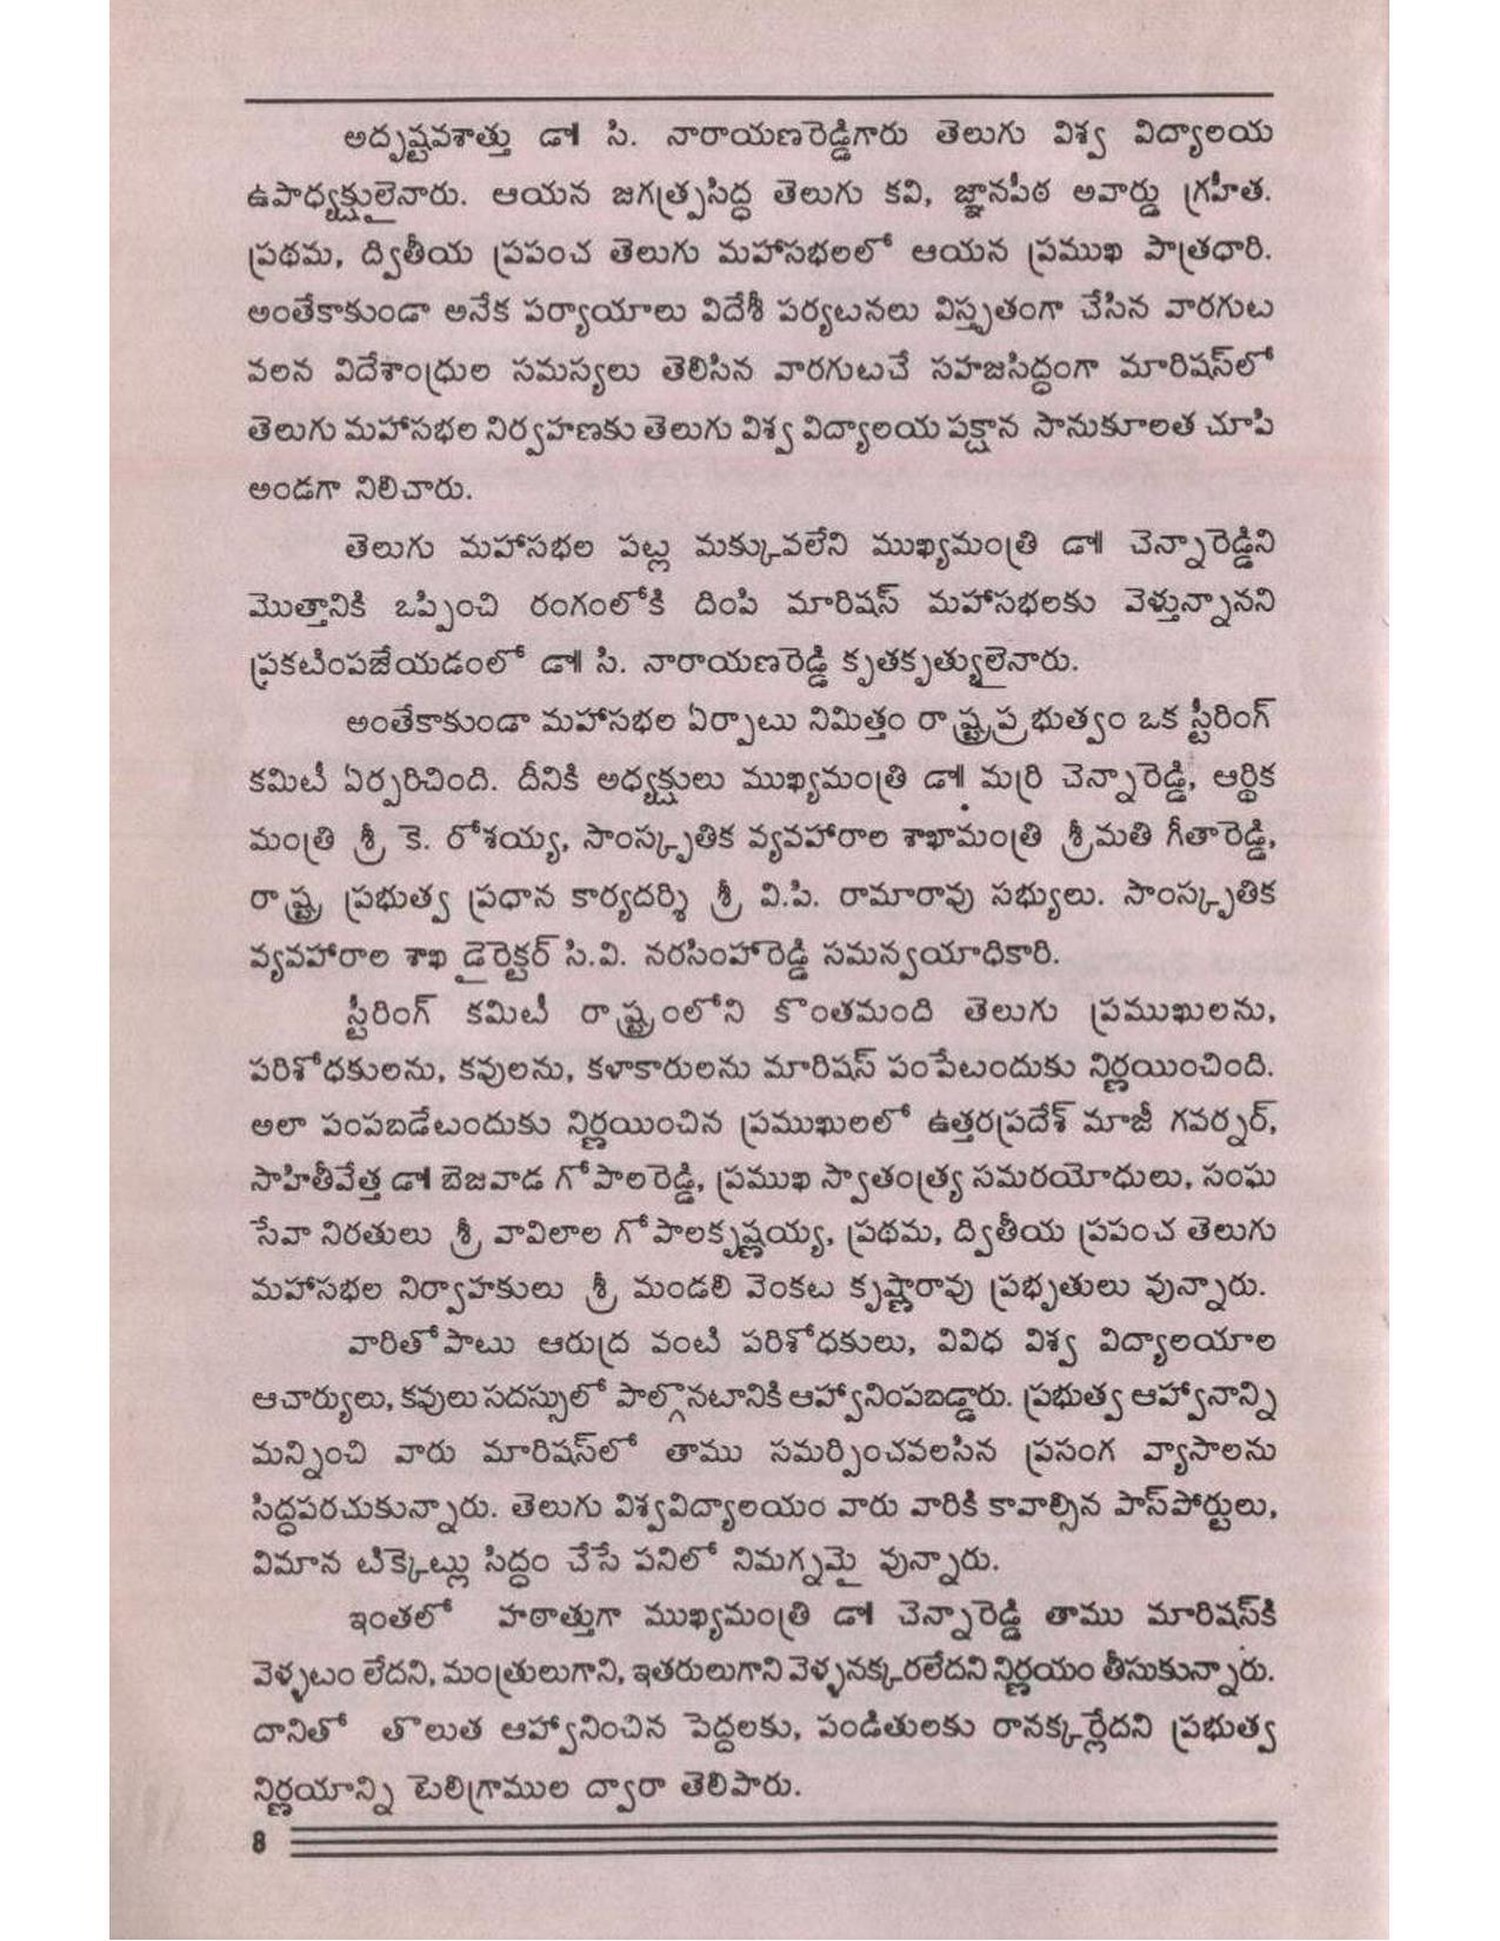అదృష్టవశాత్తు డా॥ సి. నారాయణరెడ్డిగారు తెలుగు విశ్వ విద్యాలయ ఉపాధ్యక్షులైనారు. ఆయన జగత్ర్పసిద్ధ తెలుగు కవి, జ్ఞానపీఠ అవార్డు గ్రహీత. ప్రథమ, ద్వితీయ ప్రపంచ తెలుగు మహాసభలలో ఆయన ప్రముఖ పాత్రధారి. అంతేకాకుండా అనేక పర్యాయాలు విదేశీ పర్యటనలు విస్తృతంగా చేసిన వారగుట వలన విదేశాంధ్రుల సమస్యలు తెలిసిన వారగుటచే సహజసిద్ధంగా మారిషస్‌లో తెలుగు మహాసభల నిర్వహణకు తెలుగు విశ్వవిద్యాలయ పక్షాన సానుకూలత చూపి అండగా నిలిచారు.

తెలుగు మహాసభల పట్ల మక్కువలేని ముఖ్యమంత్రి డా॥ చెన్నారెడ్డిని మొత్తానికి ఒప్పించి రంగంలోకి దింపి మారిషస్ మహాసభలకు వెళ్తున్నానని ప్రకటింపజేయడంలో డా॥ సి. నారాయణరెడ్డి కృతకృత్యులైనారు.

అంతేకాకుండా మహాసభల ఏర్పాటు నిమిత్తం రాష్ట్రప్రభుత్వం ఒక స్టీరింగ్ కమిటీ ఏర్పరిచింది. దీనికి అధ్యక్షులు ముఖ్యమంత్రి డా॥ మర్రి చెన్నారెడ్డి, ఆర్ధిక మంత్రి శ్రీ కె. రోశయ్య, సాంస్కృతిక వ్యవహారాల శాఖామంత్రి శ్రీమతి గీతారెడ్డి, రాష్ట్ర ప్రభుత్వ ప్రధాన కార్యదర్శి శ్రీ వి.పి. రామారావు సభ్యులు. సాంస్కృతిక వ్యవహారాల శాఖ డైరెక్టర్ సి.వి. నరసింహారెడ్డి సమన్వయాధికారి.

స్టీరింగ్ కమిటీ రాష్ట్రంలోని కొంతమంది తెలుగు ప్రముఖులను, పరిశోధకులను, కవులను, కళాకారులను మారిషస్ పంపేటందుకు నిర్ణయించింది. అలా పంపబడేటందుకు నిర్ణయించిన ప్రముఖులలో ఉత్తరప్రదేశ్ మాజీ గవర్నర్, సాహితీవేత్త డా॥ బెజవాడ గోపాలరెడ్డి, ప్రముఖ స్వాతంత్ర్య సమరయోధులు, సంఘ సేవా నిరతులు శ్రీ వావిలాల గోపాలకృష్ణయ్య, ప్రథమ, ద్వితీయ ప్రపంచ తెలుగు మహాసభల నిర్వాహకులు శ్రీ మండలి వెంకట కృష్ణారావు ప్రభృతులు వున్నారు.

వారితోపాటు ఆరుద్ర వంటి పరిశోధకులు, వివిధ విశ్వ విద్యాలయాల ఆచార్యులు, కవులు సదస్సులో పాల్గొనటానికి ఆహ్వానింపబడ్డారు. ప్రభుత్వ ఆహ్వానాన్ని మన్నించి వారు మారిషస్‌లో తాము సమర్పించవలసిన ప్రసంగ వ్యాసాలను సిద్ధపరచుకున్నారు. తెలుగు విశ్వవిద్యాలయం వారు వారికి కావాల్సిన పాస్‌పోర్టులు, విమాన టిక్కెట్టు సిద్దం చేసే పనిలో నిమగ్నమై వున్నారు.

ఇంతలో హఠాత్తుగా ముఖ్యమంత్రి డా॥ చెన్నారెడ్డి తాము మారిషస్‌కి వెళ్ళటం లేదని, మంత్రులుగాని, ఇతరులుగాని వెళ్ళనక్కరలేదని నిర్ణయం తీసుకున్నారు. దానితో తొలుత ఆహ్వానించిన పెద్దలకు, పండితులకు రానక్కర్లేదని ప్రభుత్వ నిర్ణయాన్ని టెలిగ్రాముల ద్వారా తెలిపారు.